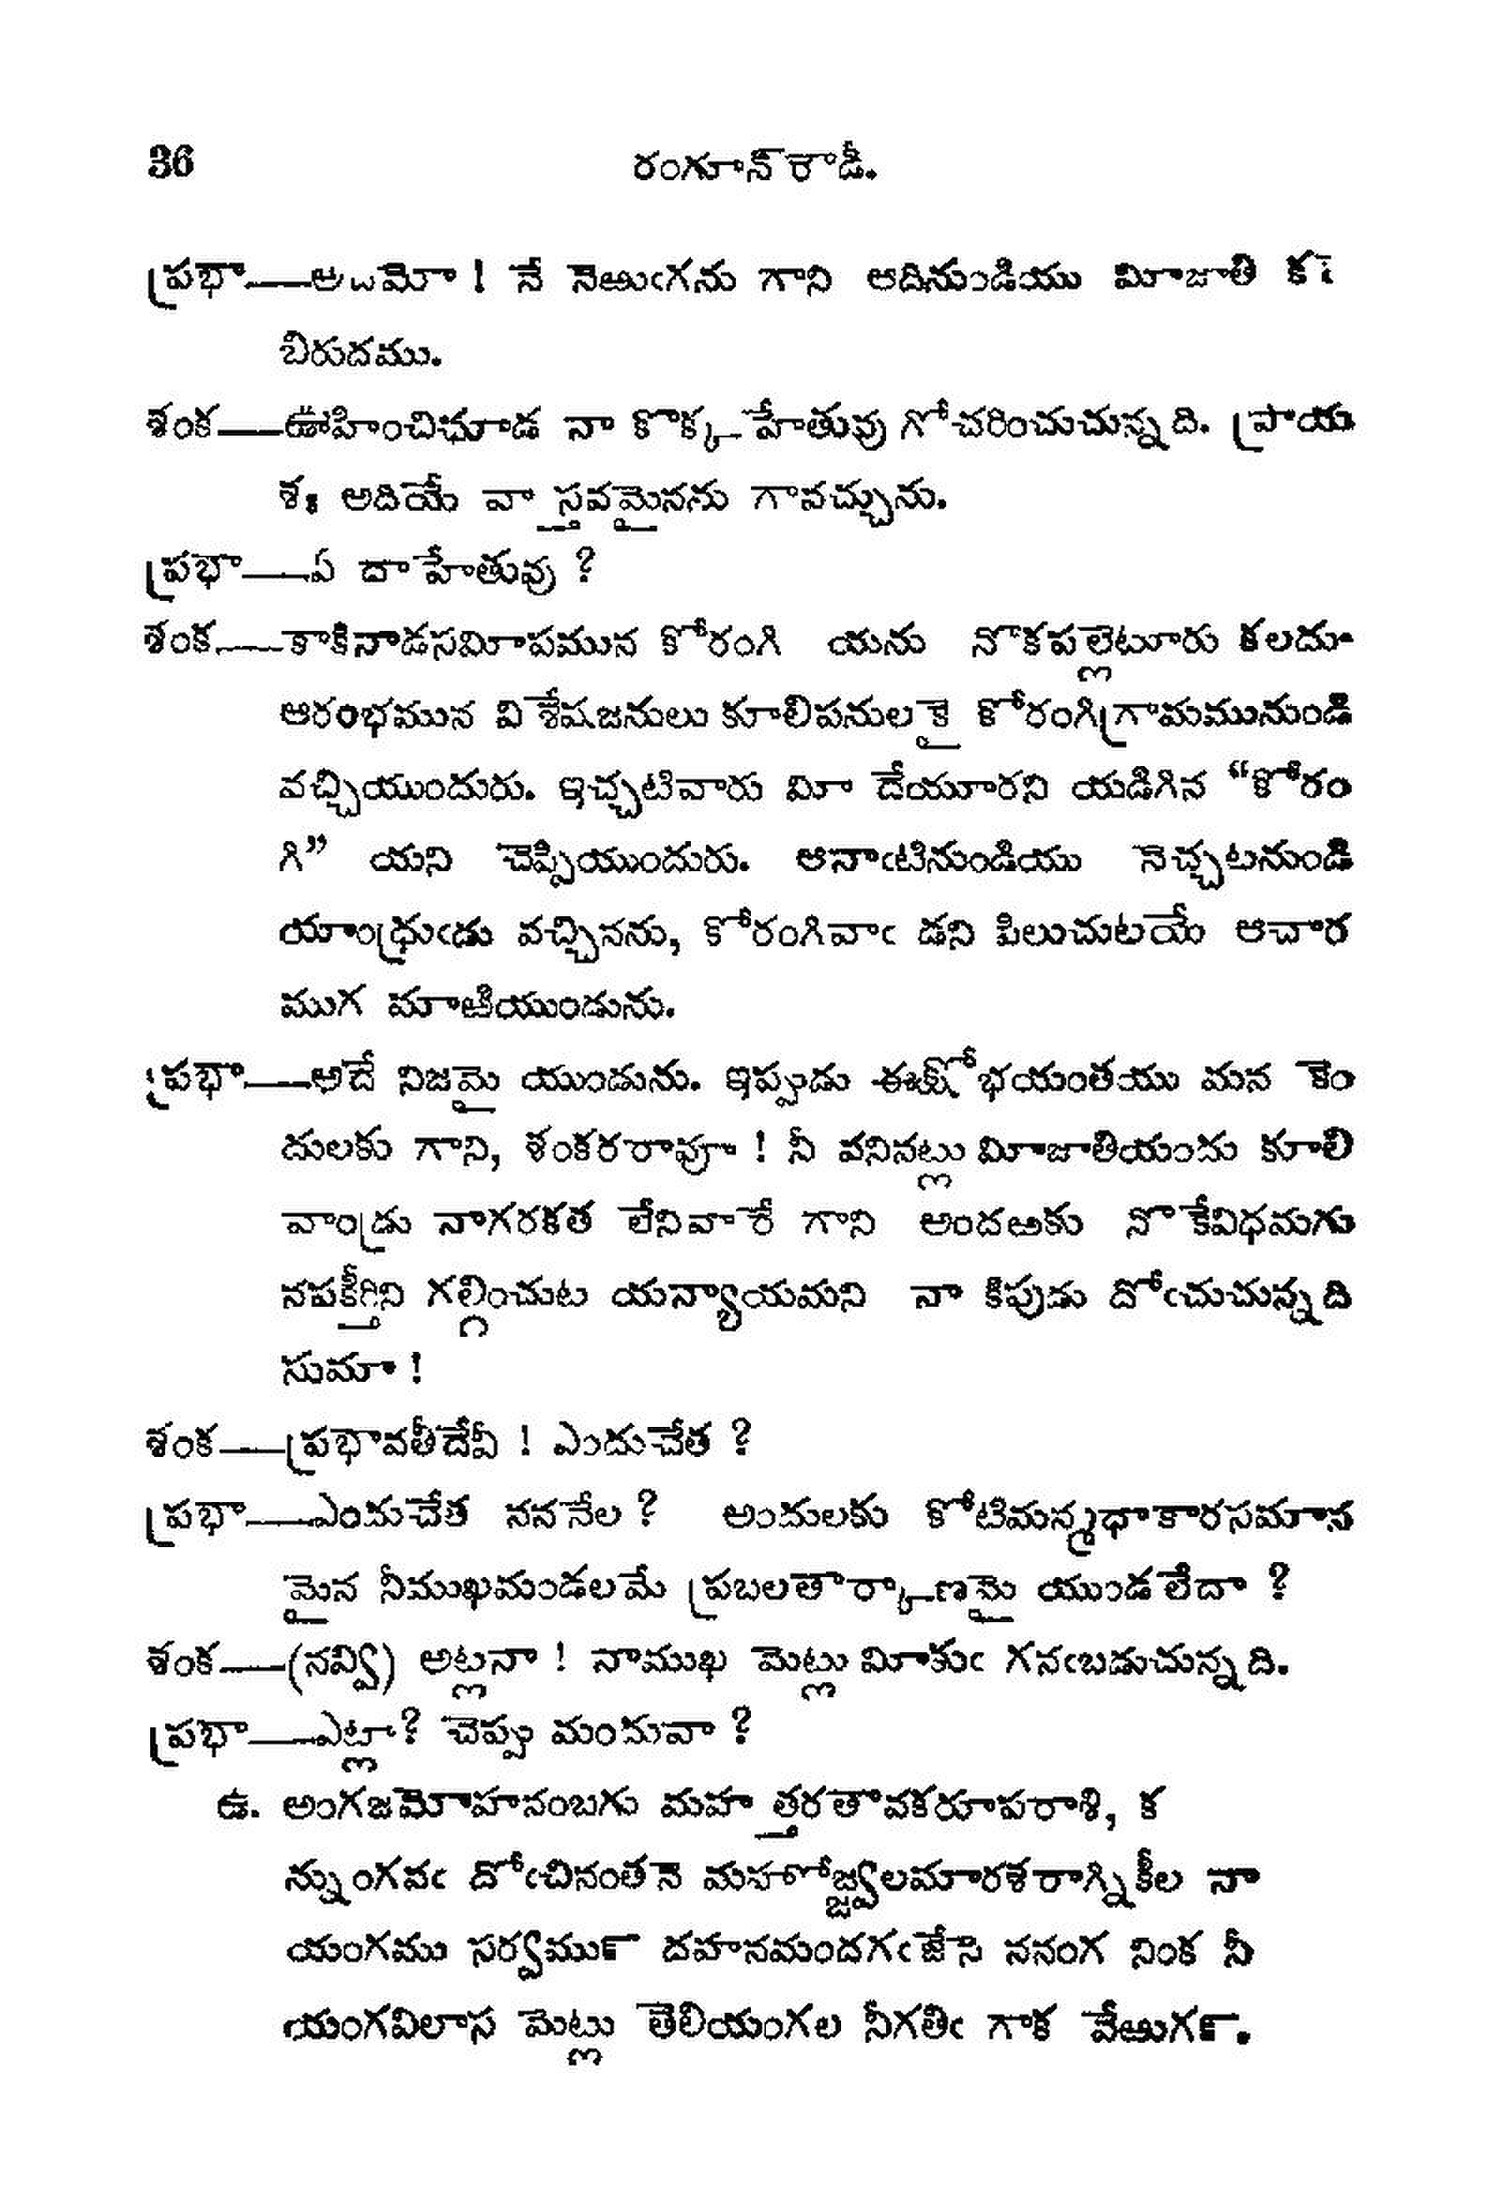ప్రభా - అదెమో! నే నెఱుఁగను గాని ఆదినుండియు మీజాతి కట్టి బిరుదము.

శంక - ఊహించిచూడ నా కొక్క హేతువు గోచరించుచున్నది. ప్రాయశః అదియే వాస్తవమైనను గావచ్చును.

ప్రభా - ఏ దాహేతువు ?

శంక - కాకినాడసమీపమున కోరంగి యను నొకపల్లెటూరు కలదు. ఆరంభమున విశేషజనులు కూలిపనులకై కోరంగిగ్రామమునుండి వచ్చియుందురు. ఇచ్చటివారు మీ దేయూరని యడిగిన "కోరం
గి” యని చెప్పియుందురు. ఆనాఁటినుండియు నెచ్చటనుండి యాంధ్రుఁడు వచ్చినను, కోరంగివాఁ డని పిలుచుటయే ఆచారముగ మాఱియుండును.

ప్రభా - అదే నిజమై యుండును. ఇప్పుడు ఈక్షోభయంతయు మన కెందులకు గాని, శంకరరావూ ! నీ వనినట్లు మీజాతియందు కూలివాండ్రు నాగరకత లేనివారే గాని అందఱకు నొకేవిధమగు నపకీర్తిని గల్గించుట యన్యాయమని నా కిపుడు దోఁచుచున్నది సుమా!

శంక - ప్రభావతీదేవీ ! ఎందుచేత ?

ప్రభా - ఎందుచేత నననేల ? అందులకు కోటిమన్మథాకారసమాన మైన నీముఖమండలమే ప్రబలతార్కాణమై యుండలేదా ?

శంక - (నవ్వి) అట్లనా ! నాముఖ మెట్లు మీకుఁ గనఁబడుచున్నది.

ప్రభా - ఎట్లా? చెప్పు మందవా ?

ఉ. అంగజమోహనంబగు మహత్తరతావకరూపరాశి, క
 న్నుంగవఁ దోఁచినంతనె మహోజ్జ్వలమారశరాగ్నికీల నా
 యంగము సర్వమున్ దహనమందగఁజేసె ననంగ నింక నీ
 యంగవిలాస మెట్లు తెలియంగల నీగతిఁ గాక వేఱుగన్.